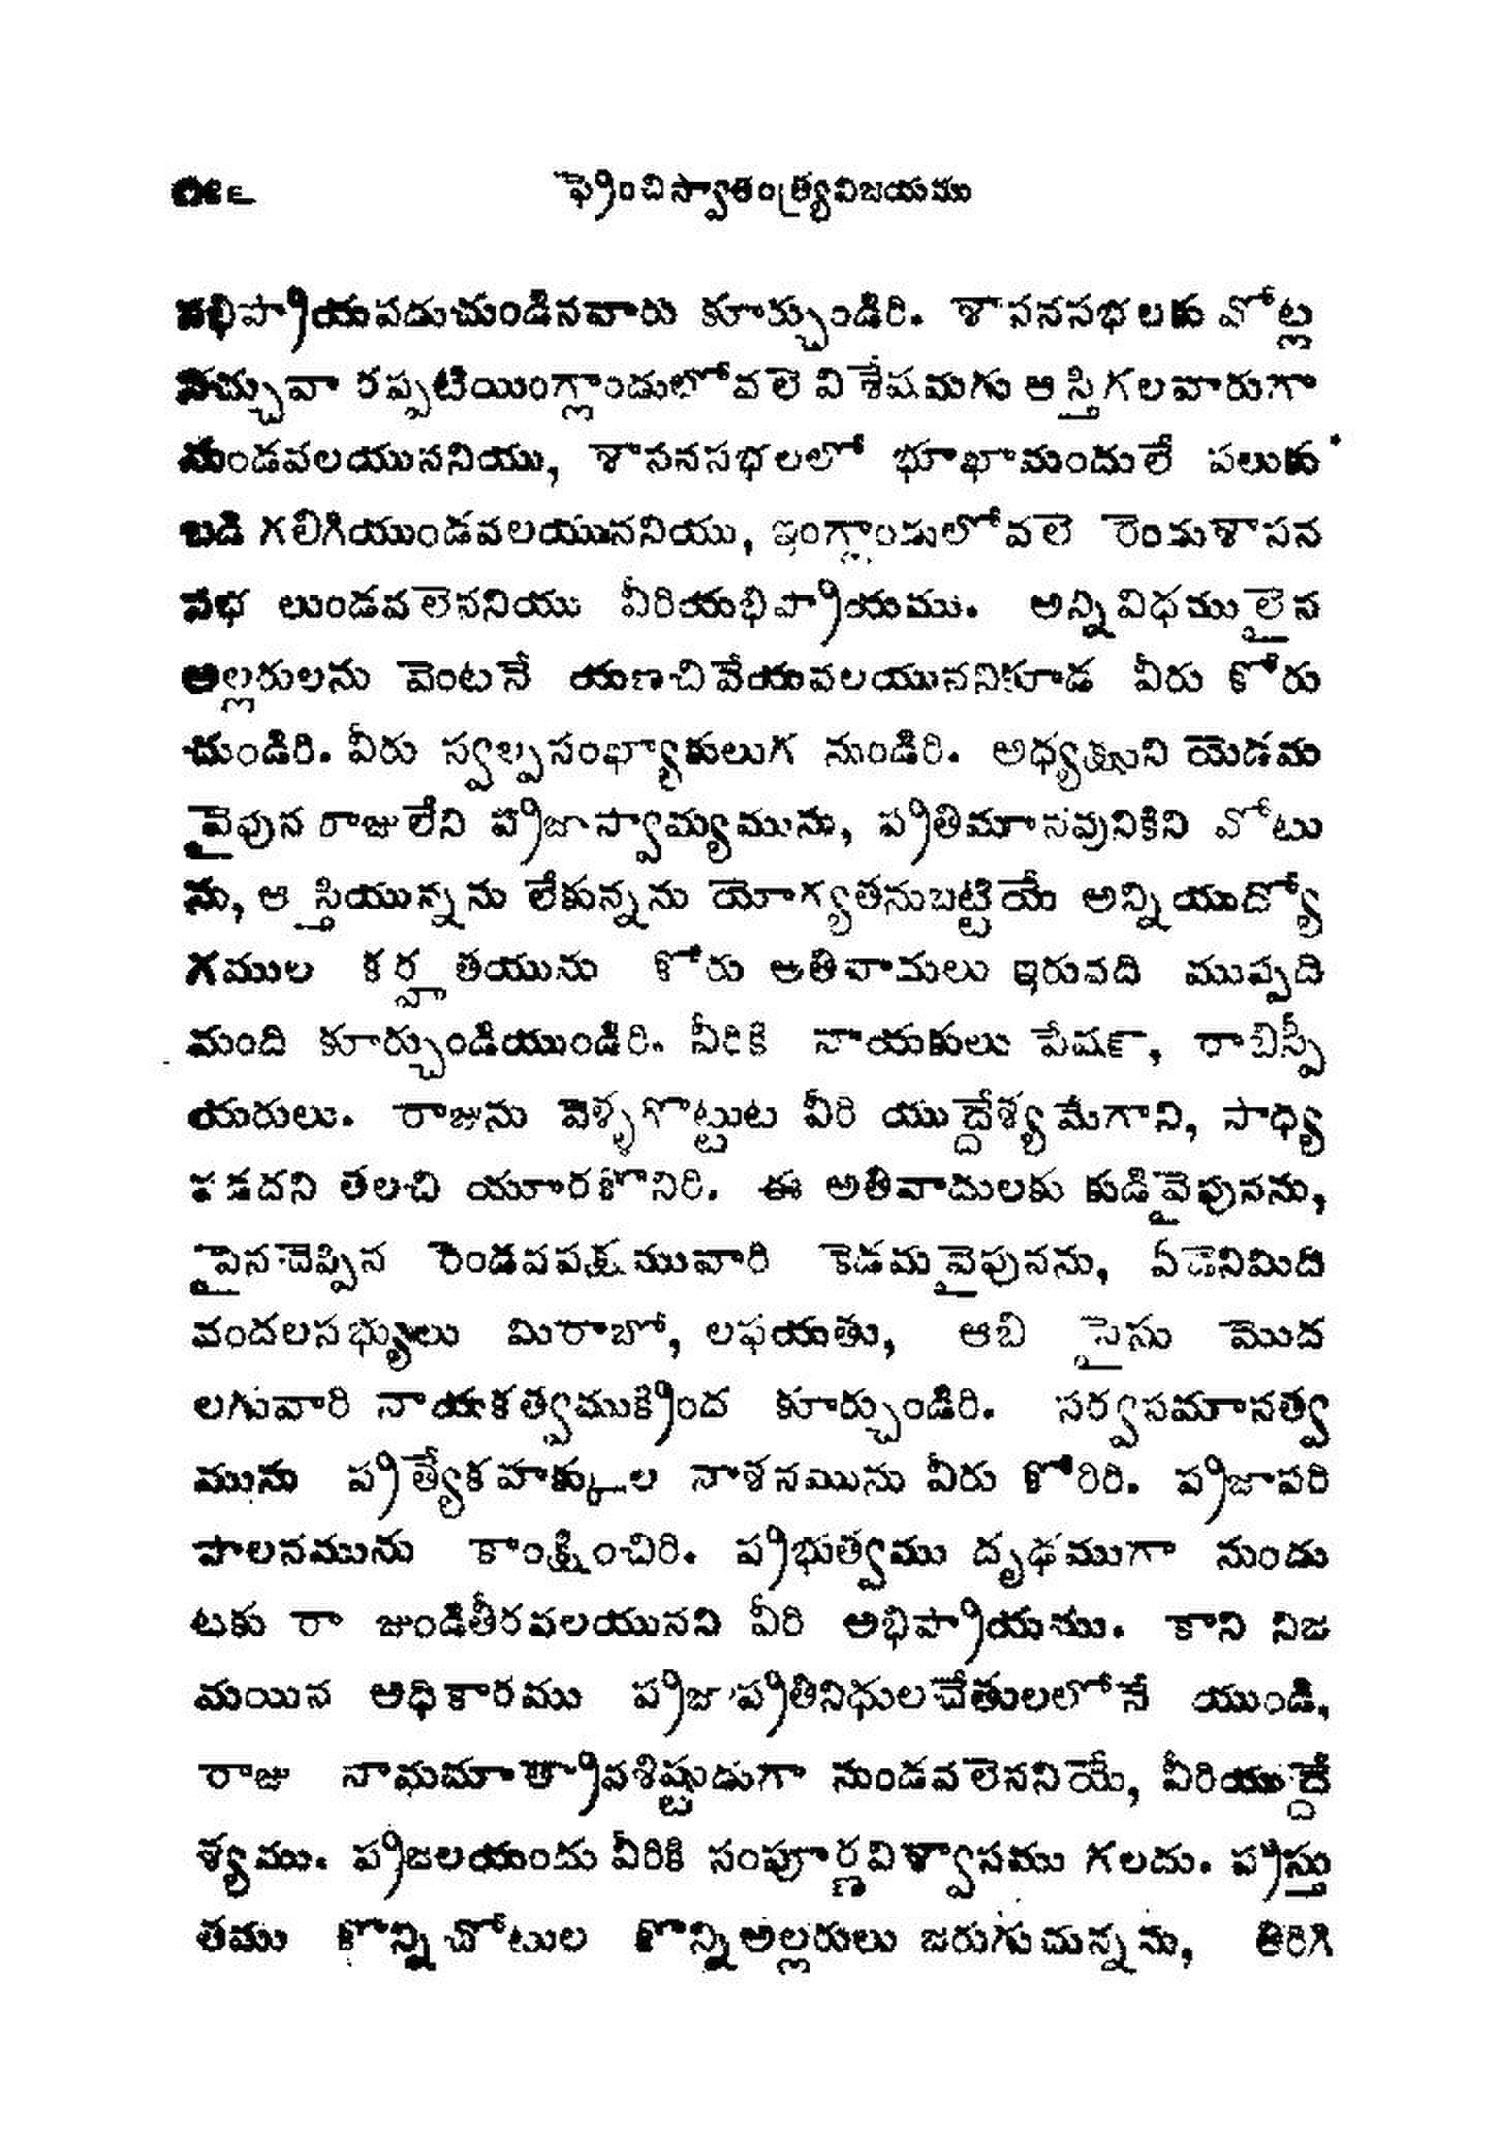సభిప్రాయపడుచుండినవారు కూర్చుండిరి. శాసనసభలకు వోట్ల
నచ్చువా రప్పటి యింగ్లాండులో వలె విశేషమగు ఆస్తిగలవారుగా
నుండవలయుననియు, శాసనసభలలో భూఖామందులే పలుకు
బడి గలిగియుండ వలయుననియు, ఇంగ్లాండులోవలే రెండుశాసన
సభ లుండవ లెననియు వీరియభిప్రాయము. అన్ని విధములైన
అల్లరులను వెంటనే యణచి వేయ వలయునని కూడ వీరు కోరు
చుండిరి. వీరు స్వల్ప సంఖ్యాకులుగ నుండిరి. అధ్యక్షుని యెడమ
వైపున రాజు లేని ప్రజాస్వామ్యమును, ప్రతిమానవునికిని వోటు
ను, ఆ స్తియున్నను లేకున్నను యోగ్యతను బట్టియే అన్ని యుద్యో
గముల కర్హతయును గోరు అతివాదులు ఇరువది ముప్పది
మంది కూర్చుండి యుండిరి. వీరికి నాయకులు పేషన్, రాబిస్పీ
యరులు. రాజును వెళ్ళగొట్టుట వీరి యుద్దేశ్య మేగాని, సాధ్య
పదని తలచి యూరకొనిరి. ఈ అతివాదులకు కుడి వైపునను,
పైన చెప్పిన రెండవ పక్షమువారీ కెడమ వైపునను, ఏడెనిమిది
వందల సభ్యులు మీరాబో, లఫయతు, ఆబి సైసు మొద
లగువారి నాయకత్వము క్రింద కూర్చుండిరి. సర్వసమానత్వ
మును ప్రత్యేక హక్కుల నాశనమును వీరు కోరిరి. ప్రజాపరి
పాలనమును కాంక్షించిరి. ప్రభుత్వము దృఢముగా నుండు
టకు రాజుండి తీరవలయునని వీరి అభిప్రాయము. కాని నిజ
మయిన అధికారము ప్రజ ప్రతినిధుల చేతులలోనే యుండి,
రాజు నామమాశ్రావశిష్టుడుగా సుండవలెననియే, వీరియుద్దే
శ్యము, ప్రజలయందు వీరికి సంపూర్ణ విశ్వాసము గలదు. ప్రస్తు
తము కొన్ని చోటుల కొన్ని అల్లరులు జరుగుచున్నను, తిరిగి